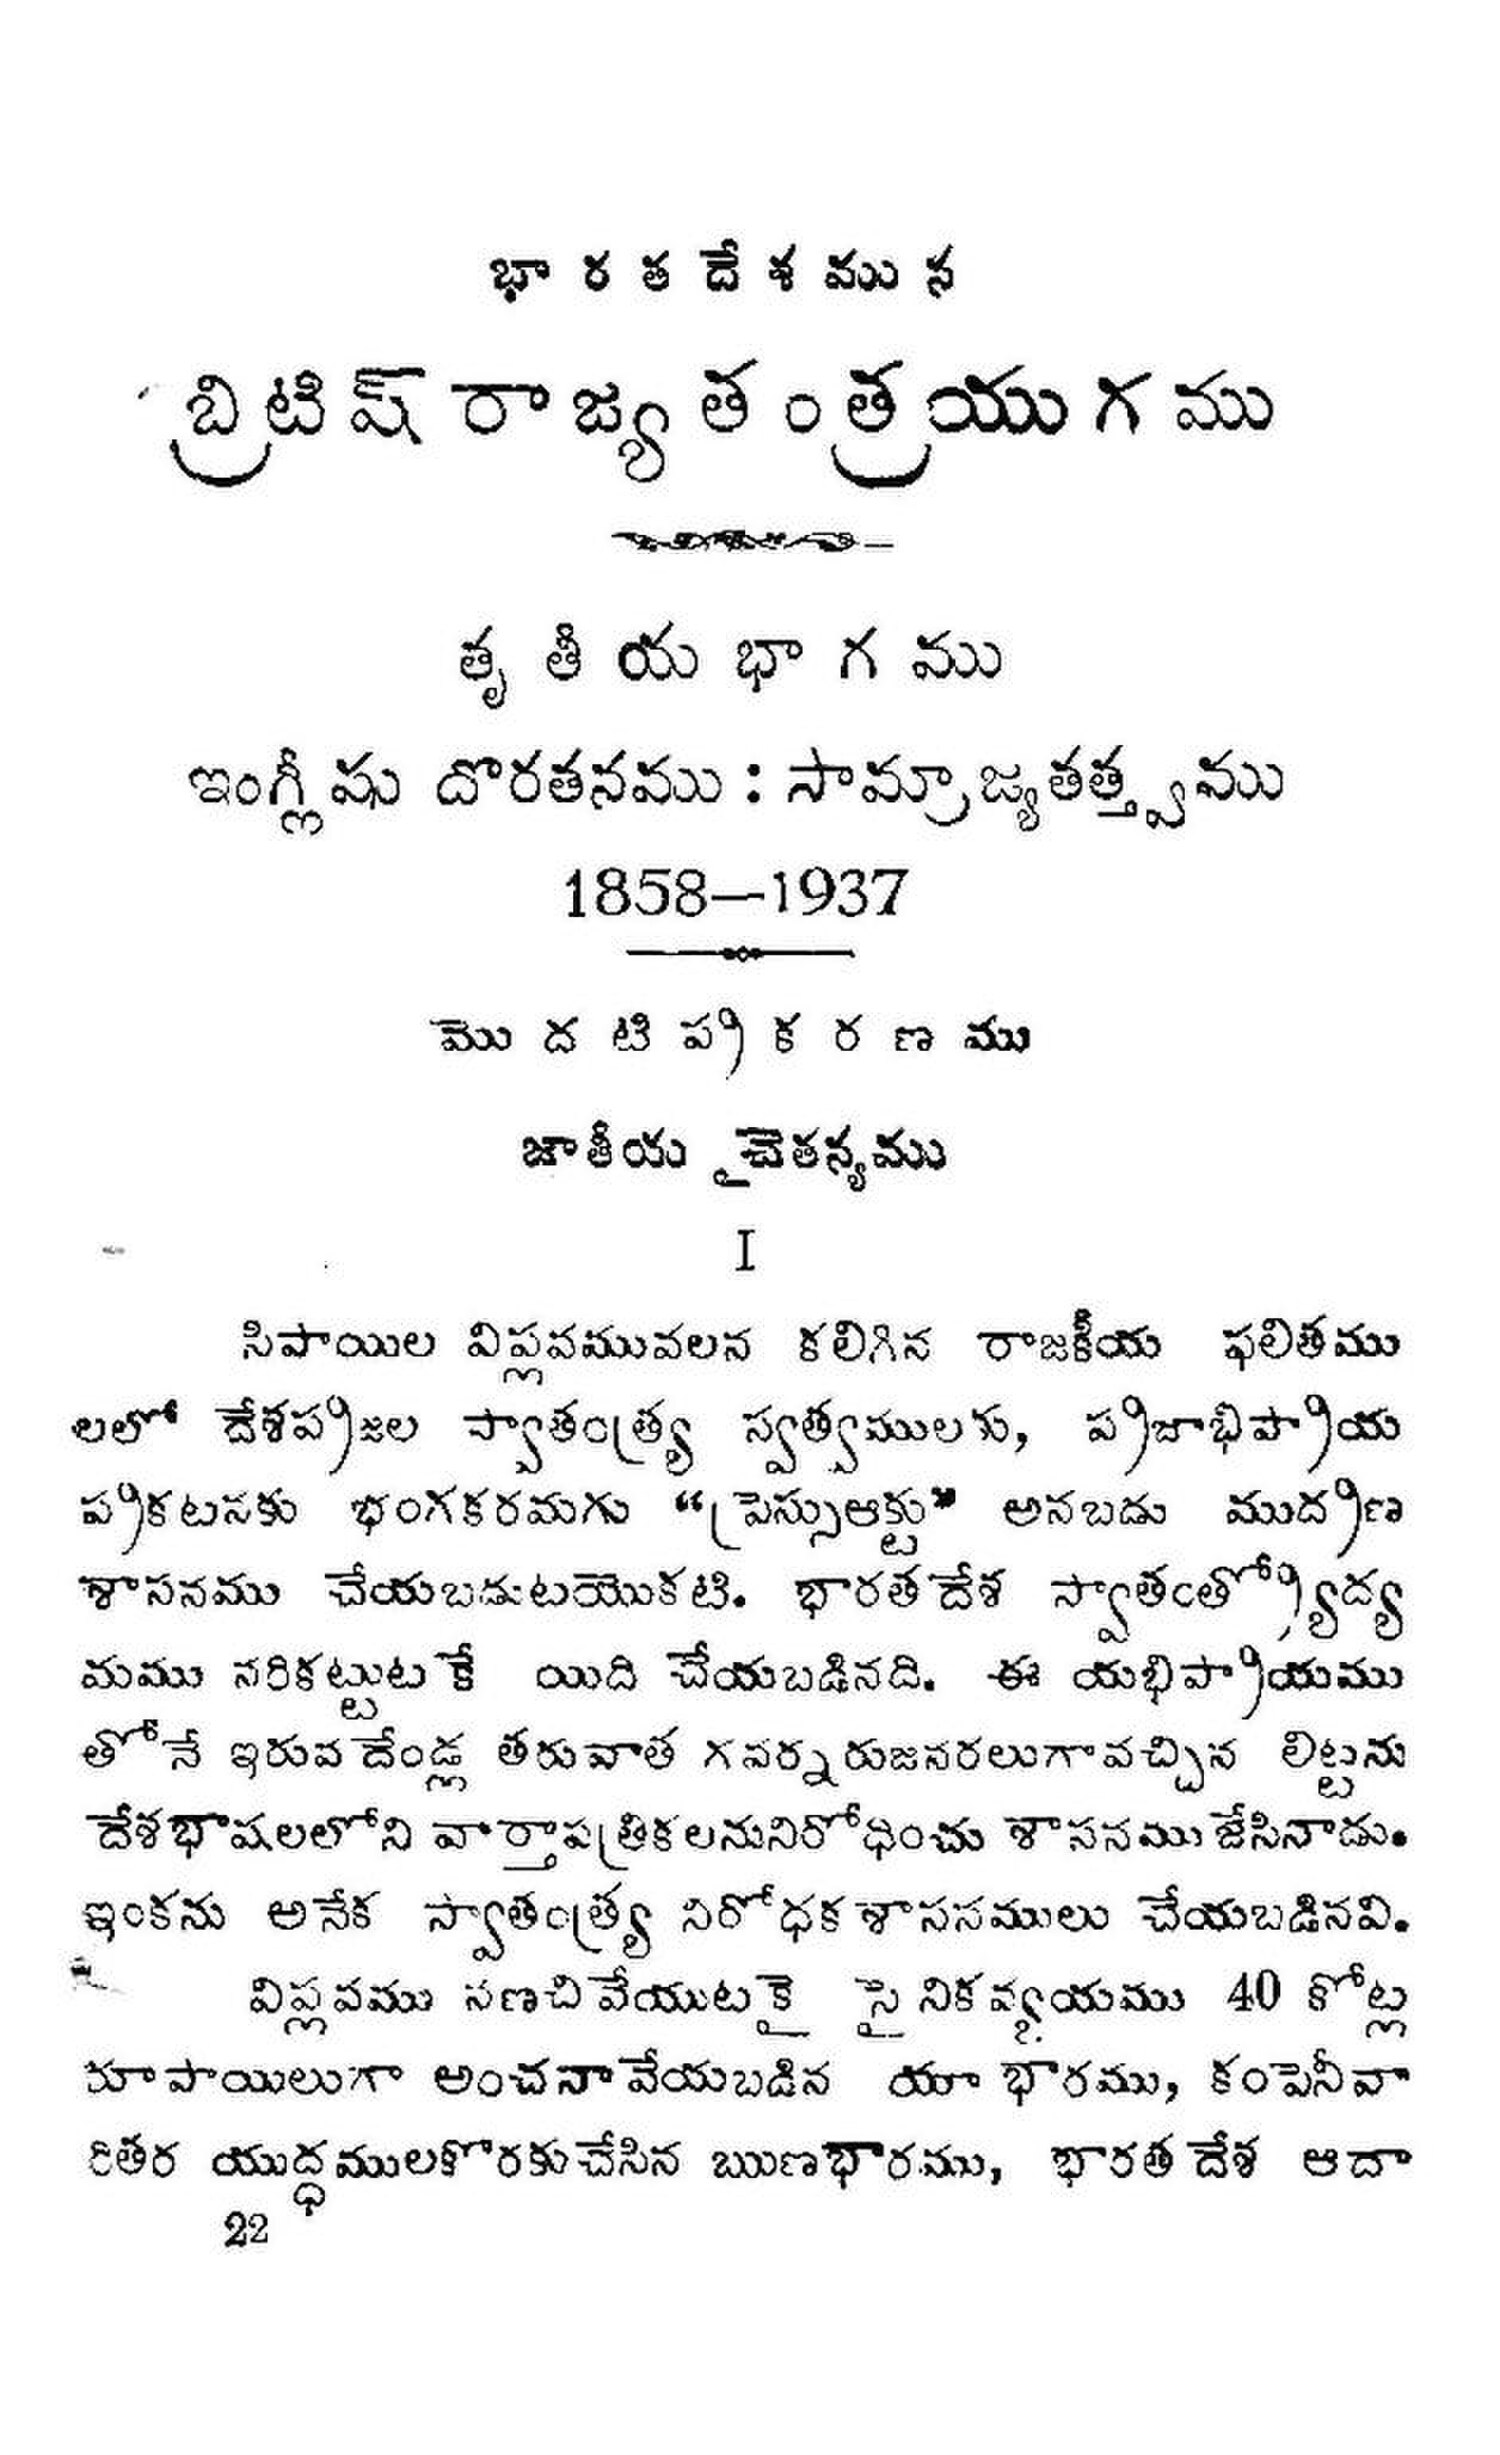భారతదేశమున
బ్రిటిష్ రాజ్యతంత్రయుగము
తృతీయ భాగము 
ఇంగ్లీషు దొరతనము : సామ్రాజ్యతత్త్వము
1858–1937
మొదటి ప్రకరణము 
జాతీయ చైతన్యము
I 

సిపాయిల విప్లవమువలన కలిగిన రాజకీయ ఫలితములలో దేశప్రజల స్వాతంత్ర్య స్వత్వములకు, ప్రజాభిప్రాయ ప్రకటనకు భంగకరమగు "ప్రెస్సుఆక్టు" అనబడు ముద్రణ శాసనము చేయబడుటయొకటి. భారతదేశ స్వాతంత్ర్యోద్యమము సరికట్టుటకే యిది చేయబడినది. ఈ యభిప్రాయముతోనే ఇరువదేండ్ల తరువాత గవర్నరుజనరలుగావచ్చిన లిట్టను దేశభాషలలోని వార్తాపత్రికలనునిరోధించు శాసనము జేసినాడు. ఇంకను అనేక స్వాతంత్ర్య నిరోధకశాసనములు చేయబడినవి.

విప్లవము నణచివేయుటకై సైనికవ్యయము 40 కోట్ల రూపాయిలుగా అంచనావేయబడిన యాభారము, కంపెనీవారితర యుద్ధములకొరకుచేసిన ఋణభారము, భారతదేశ ఆదా